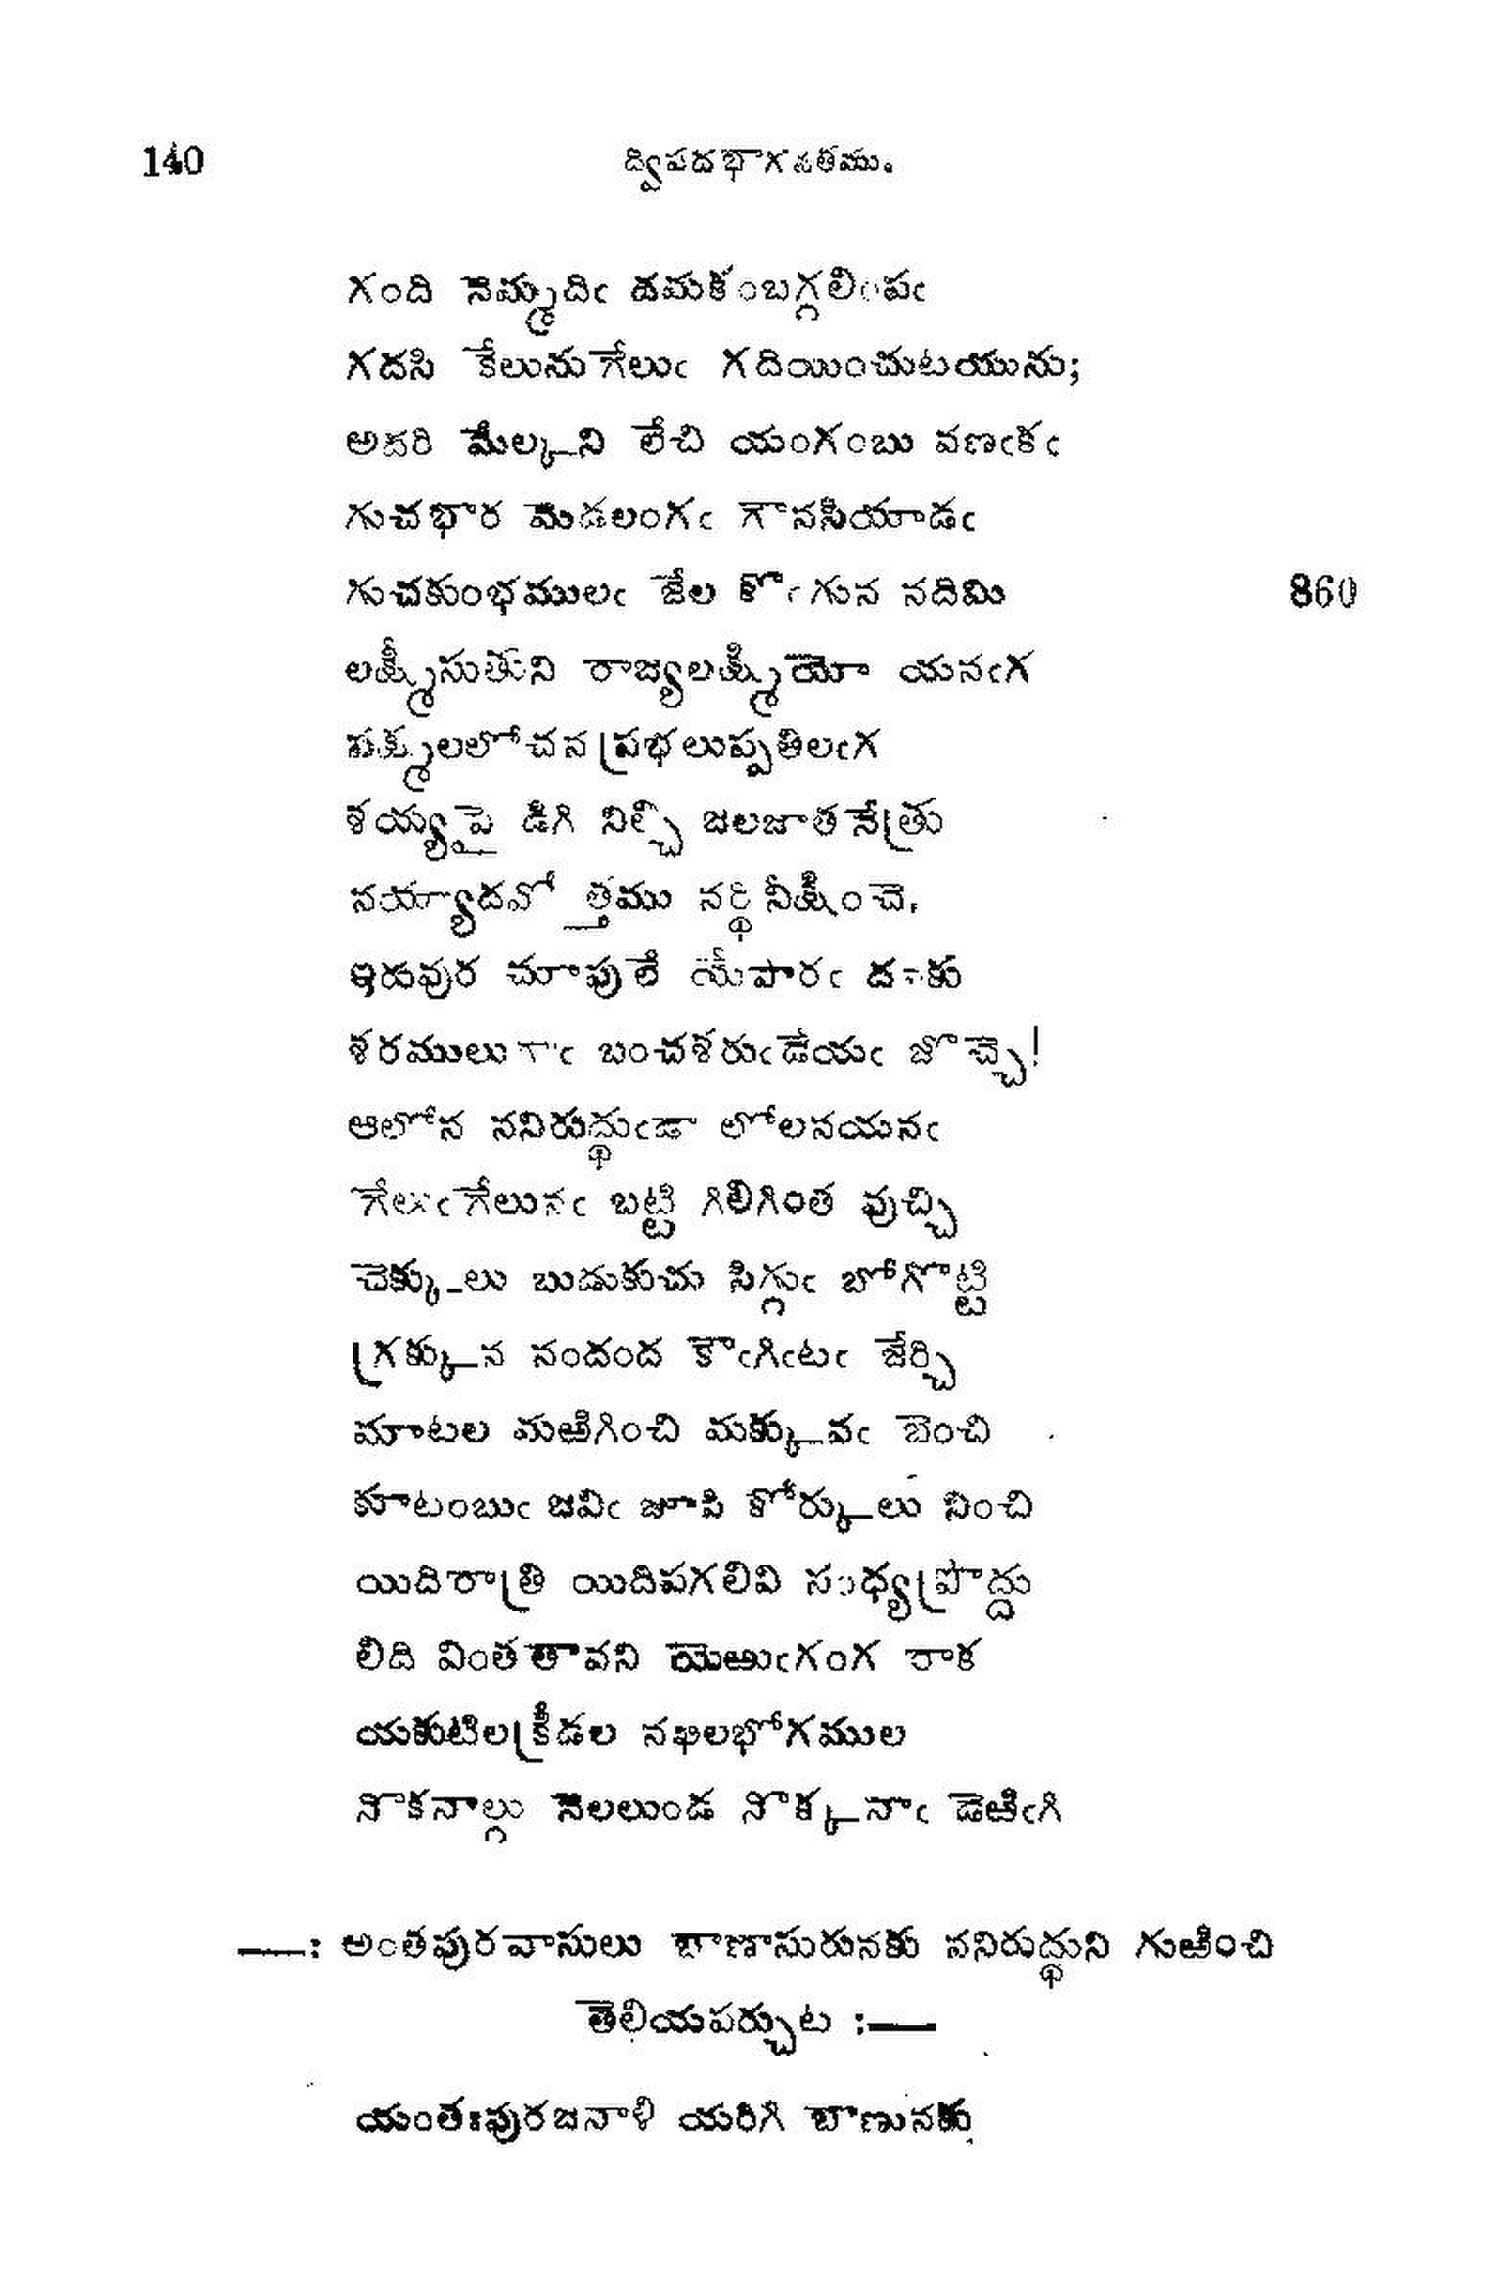గంది నెమ్మదిఁదమకంబగ్గలింపఁ
గదసి కేలును గేలుఁ గదియించుటయును; 
అదరి మేల్కని లేచి యంగంబు వణఁకఁ
గుచభారమెడలంగఁ గౌనసియాడఁ
గుచకుంభములఁ జేల కొంగున నదిమి
లక్ష్మీసుతుని రాజ్యలక్ష్మియో యనఁగ
పక్ష్మలలోచన ప్రభలుప్పతిలగ
శయ్యపై డిగి నిల్చి జలజాతనేత్రు
నయ్యాదవోత్తము నర్ధినీక్షించె. 
ఇరువుర చూపులే యేపారఁ దనకు 
శరములుగాఁ బంచశరుఁడేయఁ జొచ్చె! 
ఆలోన ననిరుద్ధుఁ డాలోలనయనఁ
గేలుఁగేలునఁ బట్టి గిలిగింత వుచ్చి
చెక్కులు బుడుకుచు సిగ్గుఁ బోగొట్టి 
గ్రక్కున నందంద కౌఁగిఁటఁ జేర్చి 
మాటల మఱిగించి మక్కువఁ బెంచి 
కూటంబుఁజవిజూపి కోర్కులు నింపి
యిది రాత్రి యిదిపగలని సంధ్య ప్రొద్దు
లిది వింత తావని యెఱుఁగంగ రాక
యకుటిల క్రీడల నఖిలభోగముల
నొకనాల్గు నెలలుండ నొక్కనాఁడెఱిఁగి

యంతఃపురజనాళి యరిగి బాణునకు